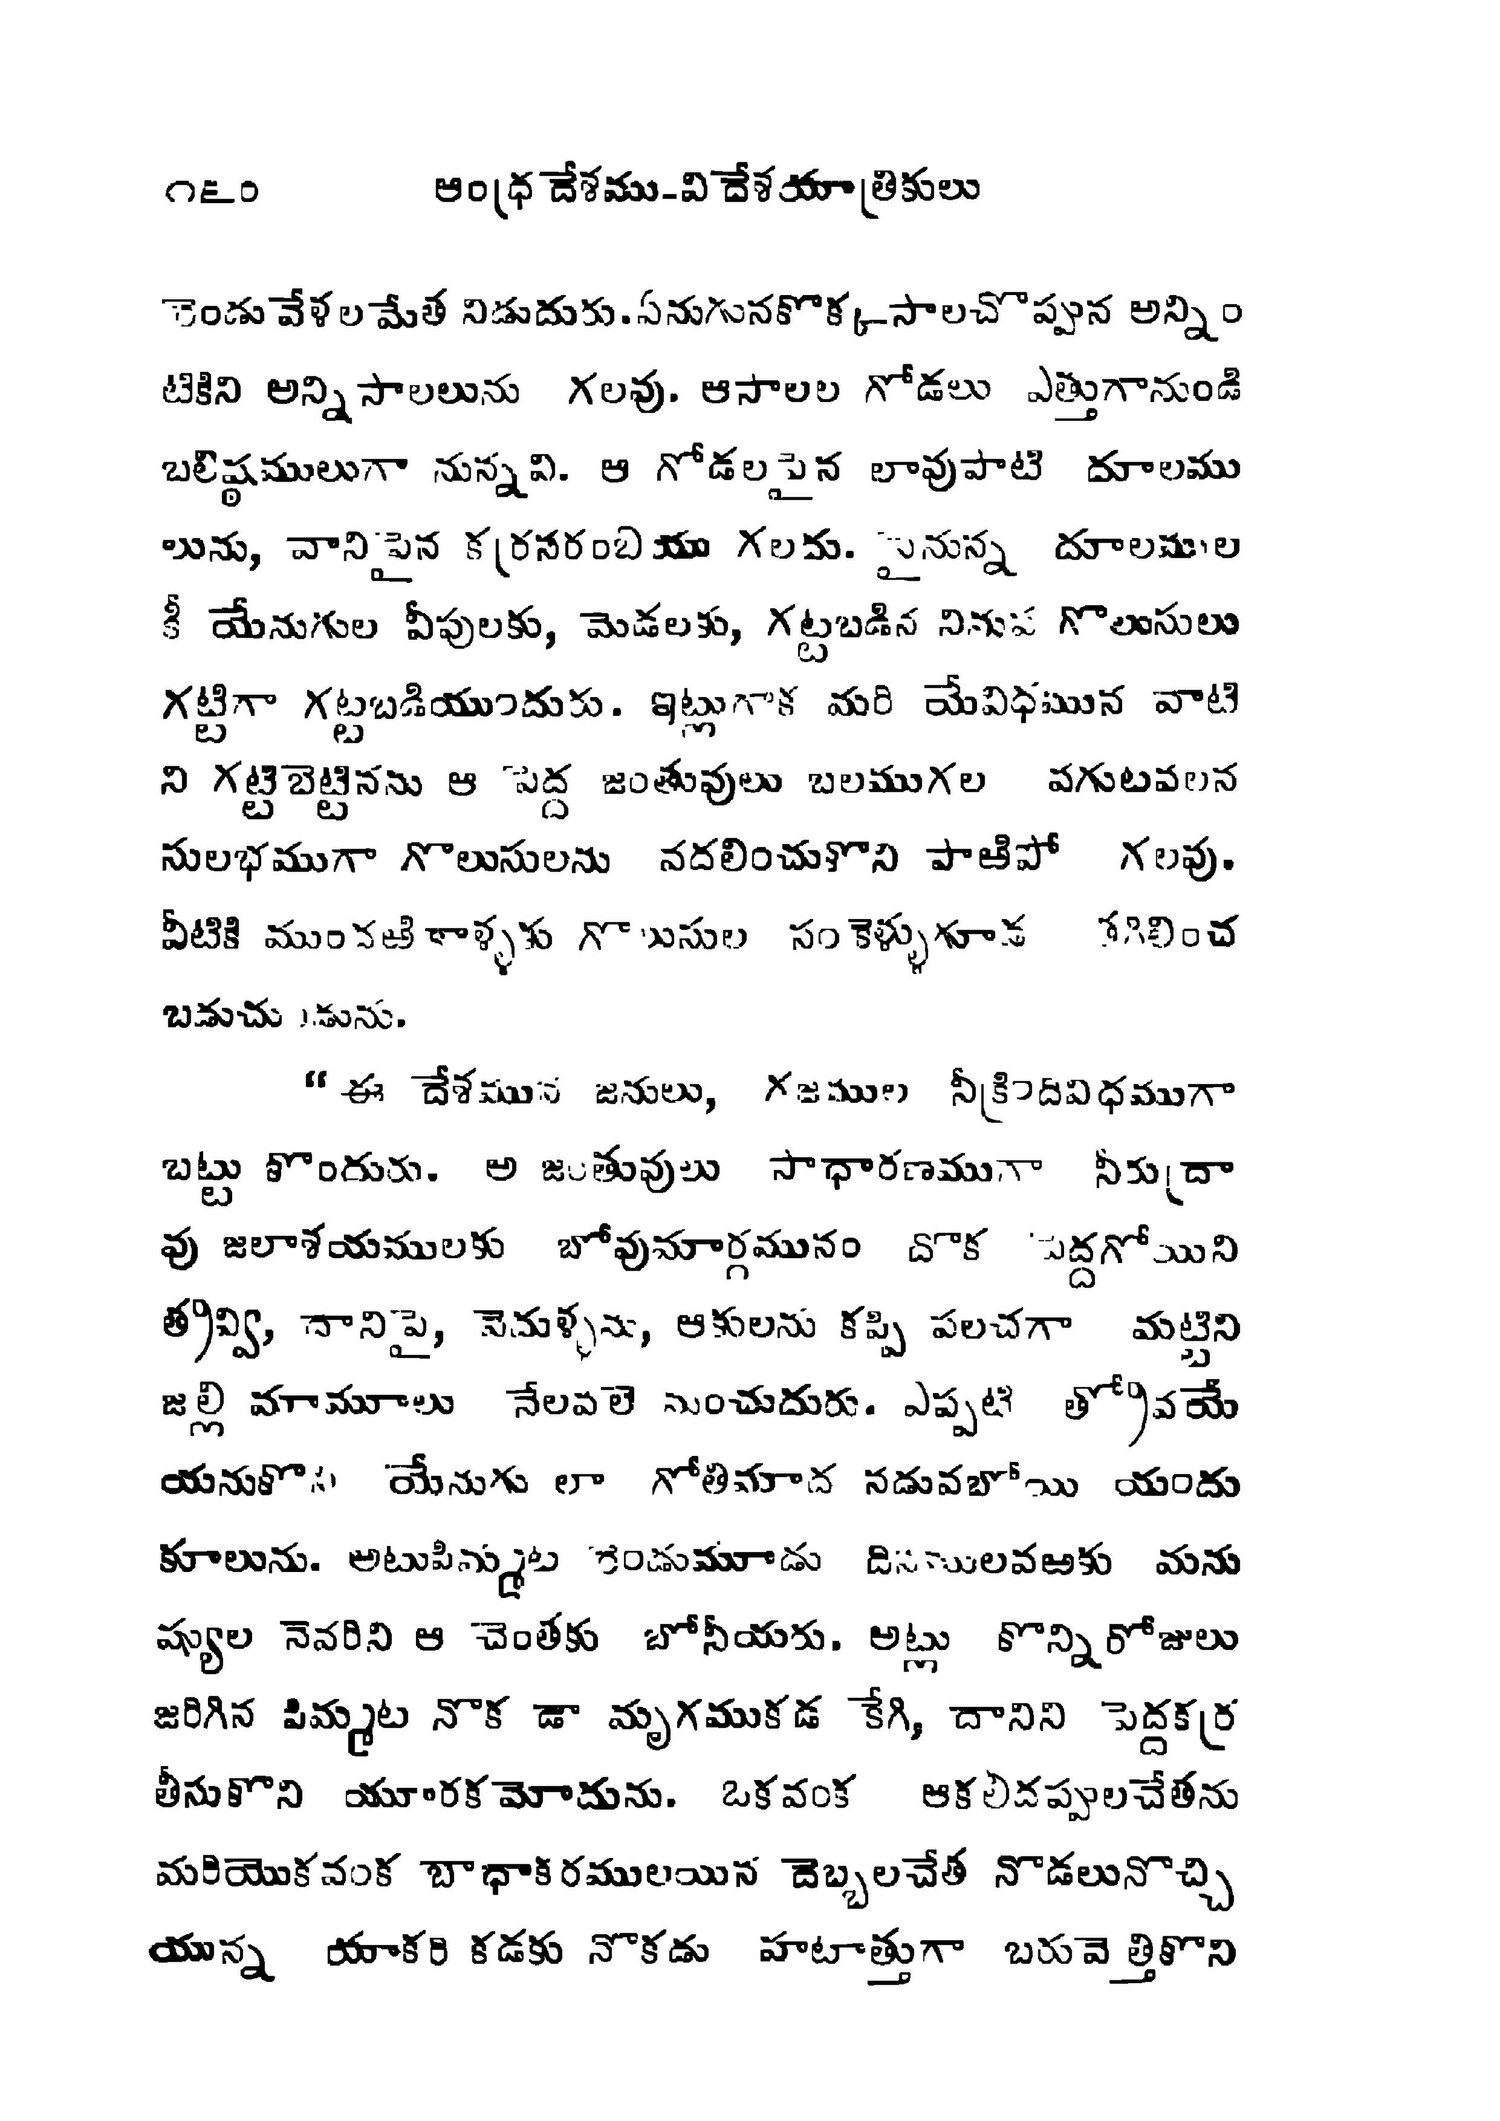రెండువేళల మేత నిడుదురు. ఏనుగున కొక్కసాలచొప్పున అన్నింటికిని అన్నిసాలలును గలవు. ఆసాలల గోడలు ఎత్తుగానుండి బలిష్ఠములుగా నున్నవి. ఆ గోడలపైన లావుపాటి దూలములును, వానిపైన కర్రసరంబియు గలదు. పైనున్న దూలముల కీ యేనుగుల వీపులకు, మెడలకు, గట్టబడిన నినుప గొలుసులు గట్టిగా గట్టబడియుందురు. ఇట్లుగాక మరి యేవిధమున వాటిని గట్టిబెట్టినను ఆ పెద్ద జంతువులు బలముగల వగుటవలన సులభముగా గొలుసులను వదలించుకొని పాఱిపో గలవు. వీటికి మందఱికాళ్ళకు గొలుసుల సంకెళ్ళుగూడ తగిలించ బడుచుండును.

" ఈ దేశమున జనులు, గజముల నీక్రిందివిధముగా బట్టు కొందురు. అ జంతువులు సాధారణముగా నీరుద్రావు జలాశయములకు బోవు మార్గమునం దొక పెద్దగోయిని త్రవ్వి, దానిపై, వెదుళ్ళను, ఆకులను కప్పి పలచగా మట్టిని జల్లి మామూలు నేలవలె నుంచుదురు. ఎప్పటి త్రోవయే యనుకొని యేనుగు లా గోతిమాద నడువబోయి యందు కూలును. అటుపిమ్మట రెండుమూడు దినములవఱకు మనుష్యుల నెవరిని ఆ చెంతకు బోనీయరు. అట్లు కొన్నిరోజులు జరిగిన పిమ్మట నొక డా మృగముకడ కేగి, దానిని పెద్దకర్ర తీసుకొని యూరకమోదును. ఒకవంక ఆకలిదప్పులచేతను మరియొకవంక బాధాకరములయిన దెబ్బలచేత నొడలునొచ్చియున్న యాకరి కడకు నొకడు హటాత్తుగా బరువెత్తికొని